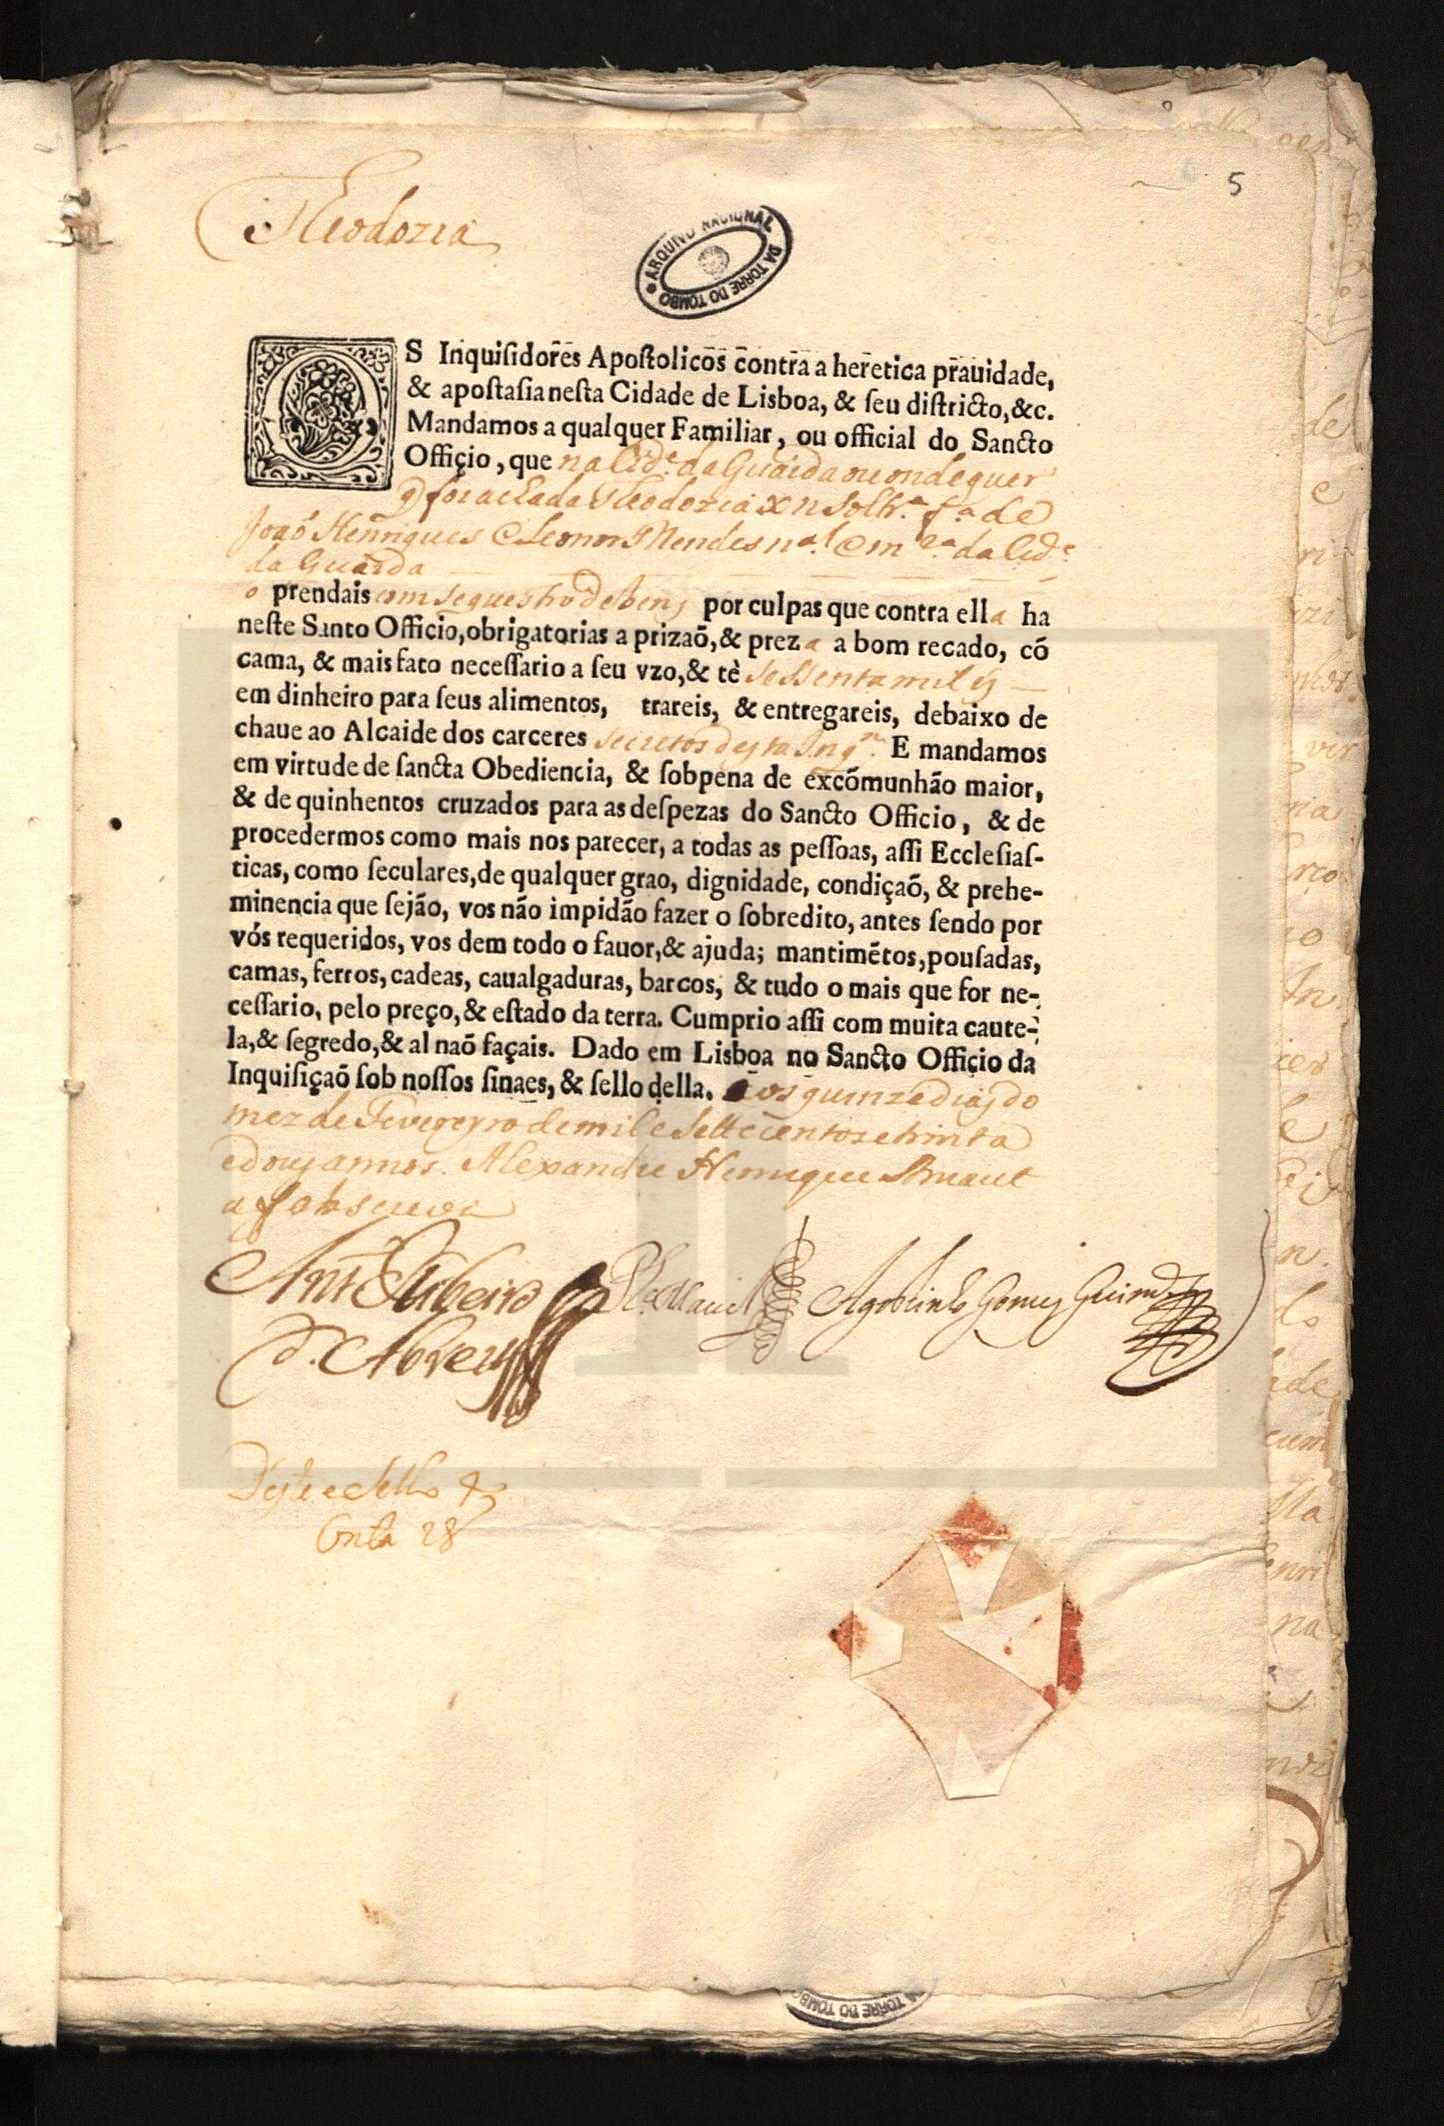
Theodozia
S Inquisidores Apostolicos contra a heretica prauidade,
& apostasia nesta Cidade de Lisboa, & seu districto, &c.
Mandamos a qualquer Familiar, ou official do Sancto
Officio, que na Cid.e da Guarda neonde quer
q̄ for achada Theodozia x n soltr.a f.a de
Joaõ Henriques e Leonor Mendes na.l e m.ra da Cid.e
da Guarda
o prendais com sequestro de bens por culpas que contra ella ha
neste Santo Officio, obrigatorias a prizaõ, & preza a bom recado, cō
cama, & mais fato necessario a seu vzo, & tè sessenta mil r̄s
em dinheiro para seus alimentos, trareis, & entregareis, debaixo de
chaue ao Alcaide dos carceres secretos desta Inq.m E mandamos
em virtude de sancta Obediencia, & sobpena de excōmunhão maior,
& de quinhentos cruzados para as despezas do Sancto Officio, & de
procedermos como mais nos parecer, a todas as pessoas, assi Ecclesias
ticas, como seculares, de qualquer graõ, dignidade, condiçaõ, & prehe
minencia que sejão, vos não impidão fazer o sobredito, antes sendo por
vós requeridos, vos dem todo o fauor, & ajuda; mantimētos, pousadas,
camas, ferros, cadeas, caualgaduras, barcos, & tudo o mais que for ne
cessario, pelo preço, & estado da terra. Cumprio assi com muita caute
la, & segredo, & al naõ façais. Dado em Lisboa no Sancto Officio da
Inquisiçaõ sob nossos sinaes, & sello della. aos quinze dias do
mez de Fevereyro de mil e settecentos e trinta
e dous annos. Alexandre Henique Arnaut
a sobscrevi
Anto Ribeiro M.e Maciel Agostinho Gomes Guime.
d̄. Abreu
Deste e Sello 4
Conta 28
